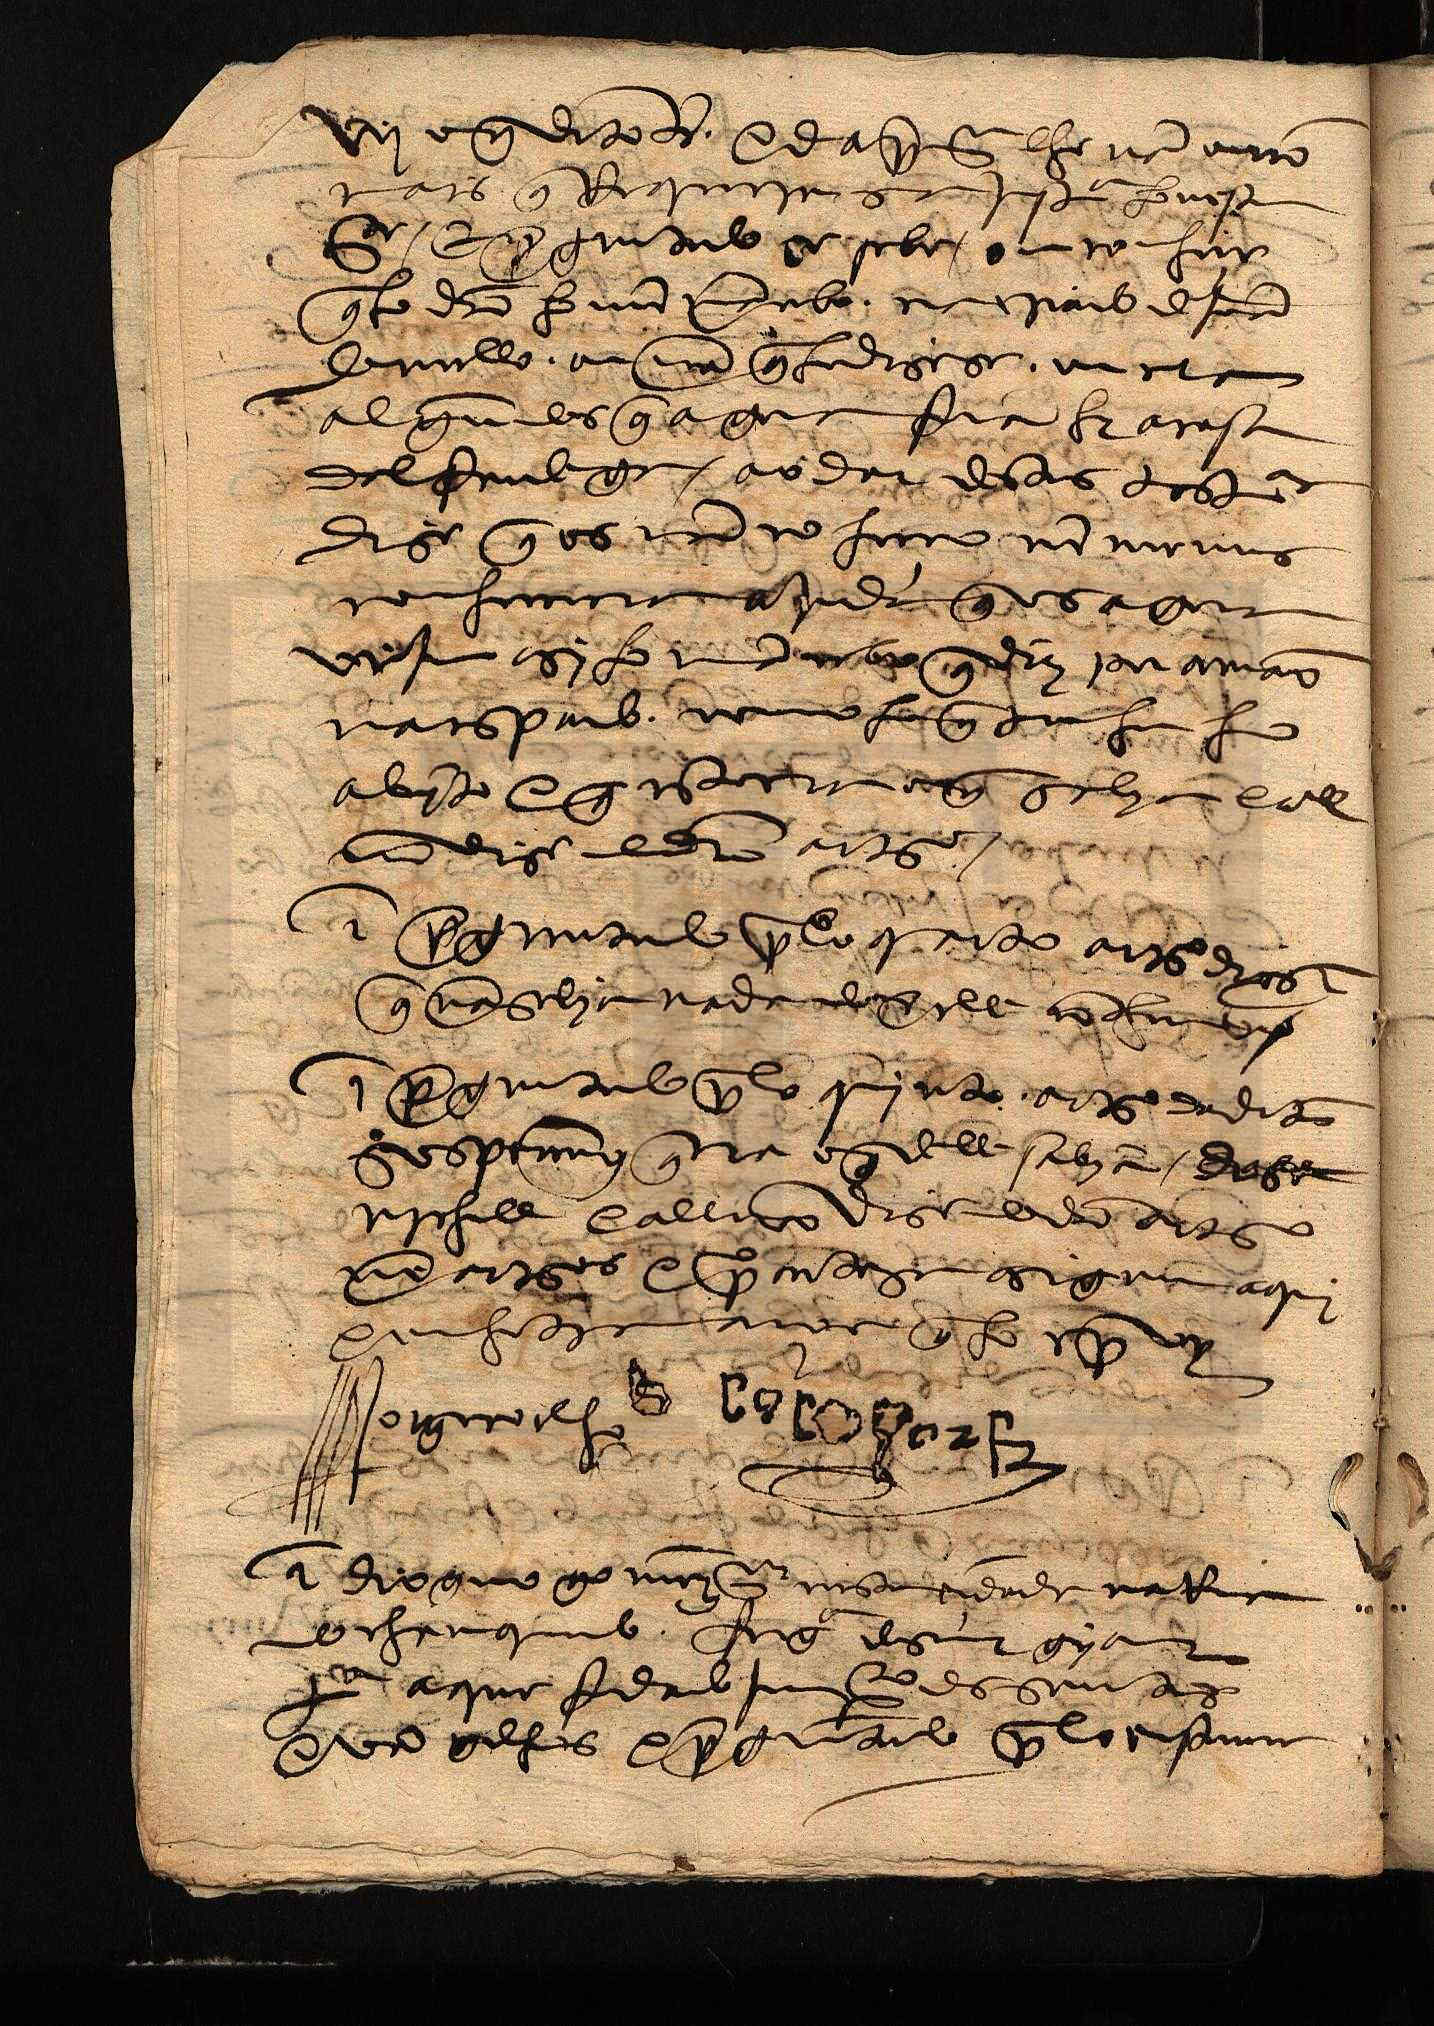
vez o q̄ dito tē. e da p̄ma lhe nā ouio
mais q̄ Requerer sa Justa honesta
mte / E p̄guntado se sabe / ou conhece
q̄ ho dt̄o homē mācebo era criado de Joā
de mello. ou nā q̄ ho disese. ou era
algū dos q̄ agora forā hy a casa
dalfandega / ao dar destes testos
dise q̄ os nā conheceo nē menos
conheceria aJnda q̄ os agora
veJa asy ho mācebo q̄ diz por a mão
na espado. como ho q̄ tinha ho
abyto e q̄ esto era o q̄ sabja e all
nō dise do dtō arto /
item p̄guntado p̄lo quarto arto disse
q̄ nā sabja nada do ē elle cōtheudo /
item p̄guntado p̄lo qujnto arto da dita
sospeição q̄ era o q̄ delle sabyā / dise
njchell e all n̄o dise do dtō arto
nē artos e p̄o certeza asignou aquj
e eu djo trauaços q̄ ho esp̄vy
Jorge coelho
item dioguo gomez mor nesta cidade na Rua
do cham queimado frega de sam gyam
ta a que foi dado Juramto dos santos
evāgelhos e p̄gūtado p̄lo custume
